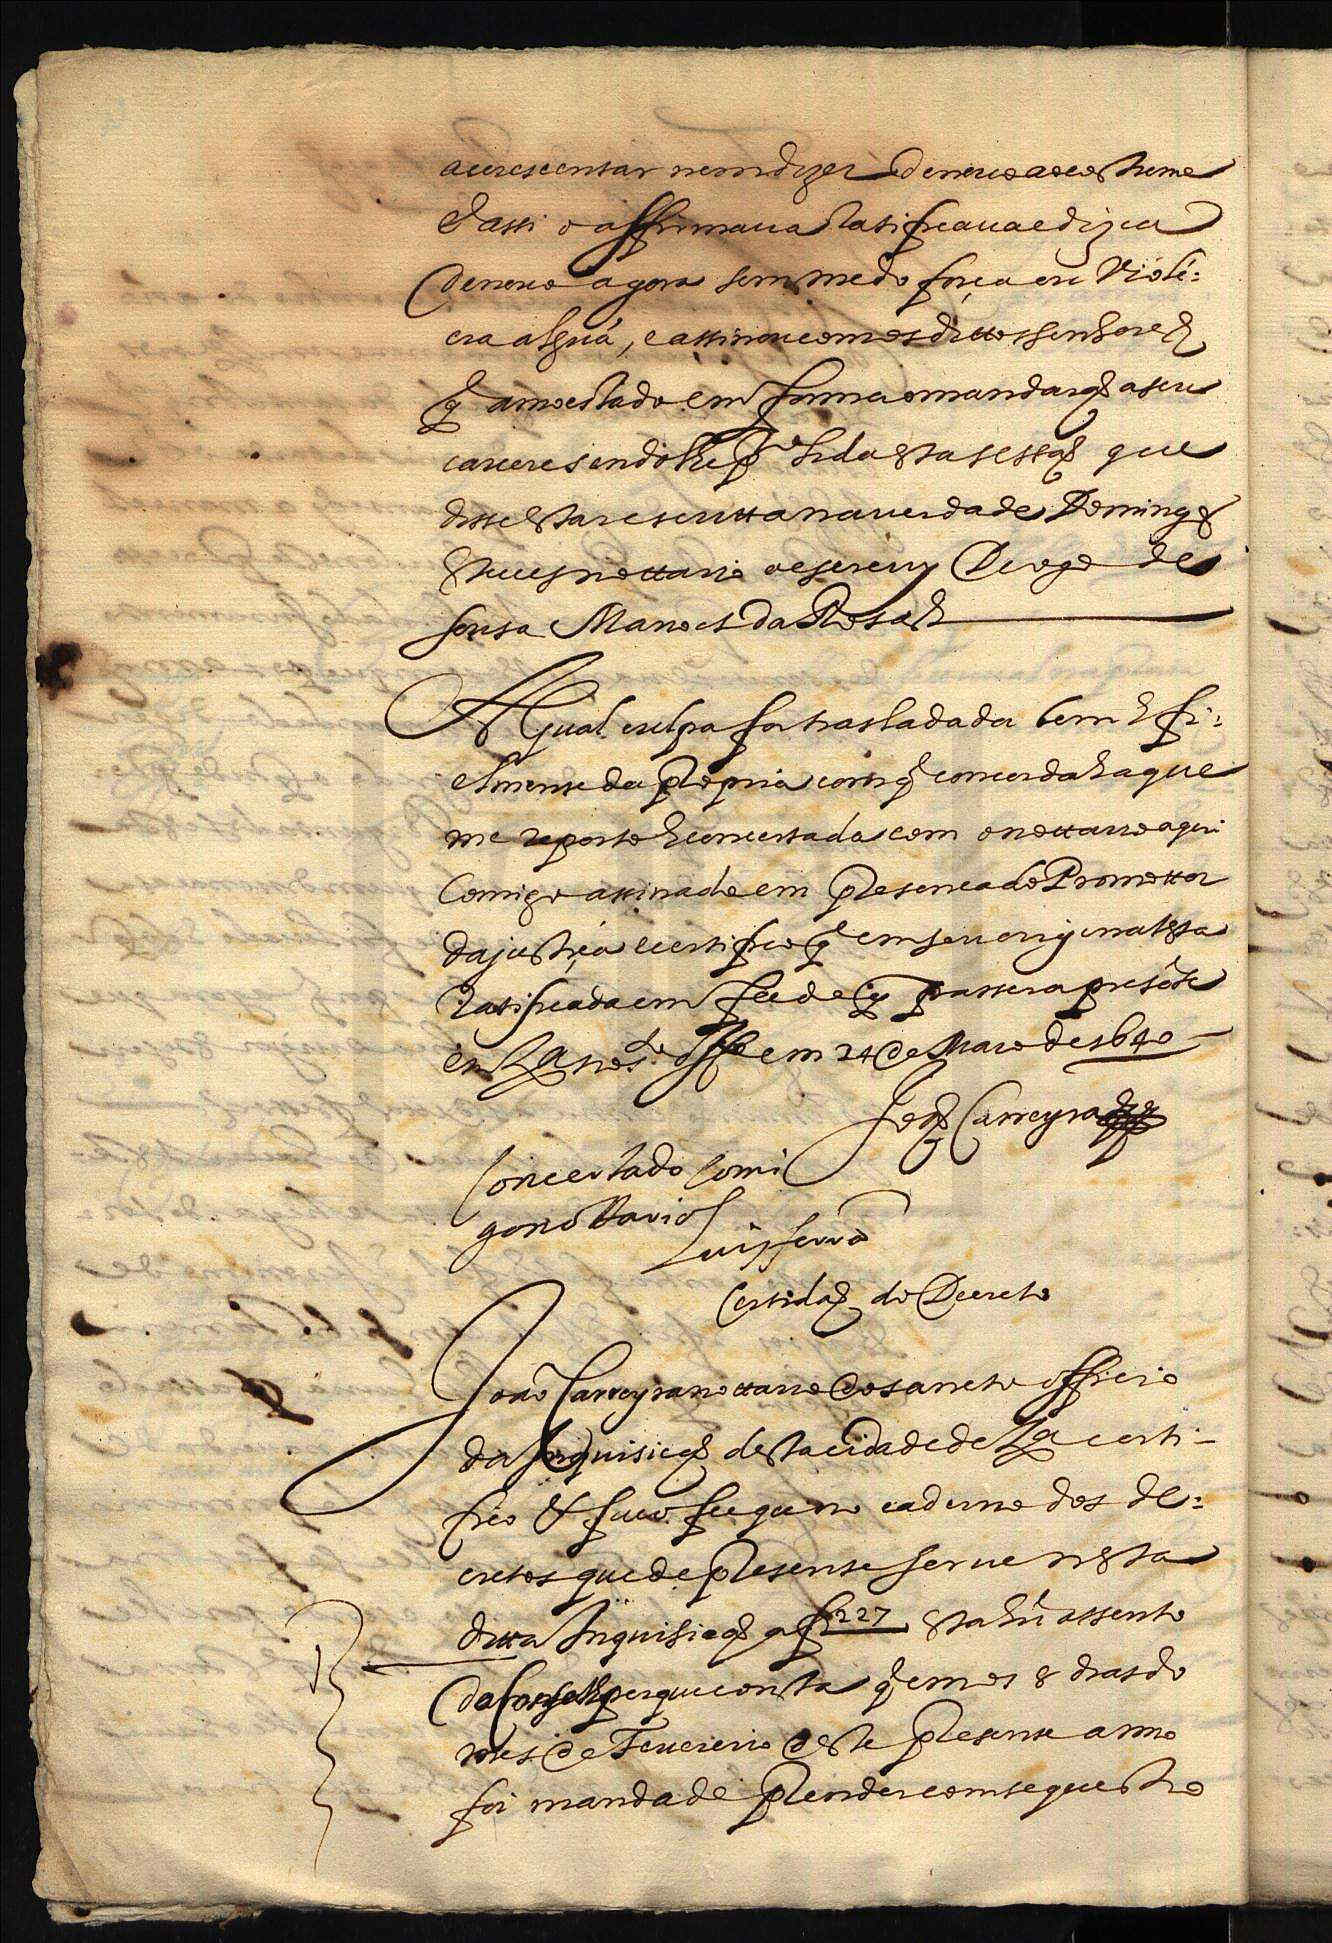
accrescentar nem dizer de nouo ao costume
& assi o affirmaua Ratificaua e dizia
de nouo agora sem medo força ou violē
cia alguā e assinou com os dittos Senhores
q̄ amoestado em forma o mandaraõ a seu
carcere sendo lhe pro lida esta sessaõ que
disse estar escritta na uerdade Domingos
Steues nottario o escreuy Deogo de
Sousa Manoel da Rosa
A qual culpa foi trasladada bem E fi
elmente da propria com q̄ concorda E a que
me reporto E concertada com o nottario aqui
Comigo assinado em presença do Promottor
da justiça e certifico q̄ em seu orijenal esta
Ratificada em fee de q̄ passera presēte
em Lx no sto offo em 24 de Maio de 1640
Joaõ Carreyra
Concertado comi
go notário
Luis ferraõ
Certidaõ do Decreto
Joaõ Carreyra nottario do Sancto officio
da Jnquisiçaõ desta cidade de Lxa certo
fico & faço fee que no caderno dos de
cretos que de presente segue nesta
ditta Inquisiçaõ a fl 227 esta hū assento
do Conselho perque consta q̄ em os 8 dias do
mes de Feuereiro deste presente anno
foi mandado prender com sequestro
